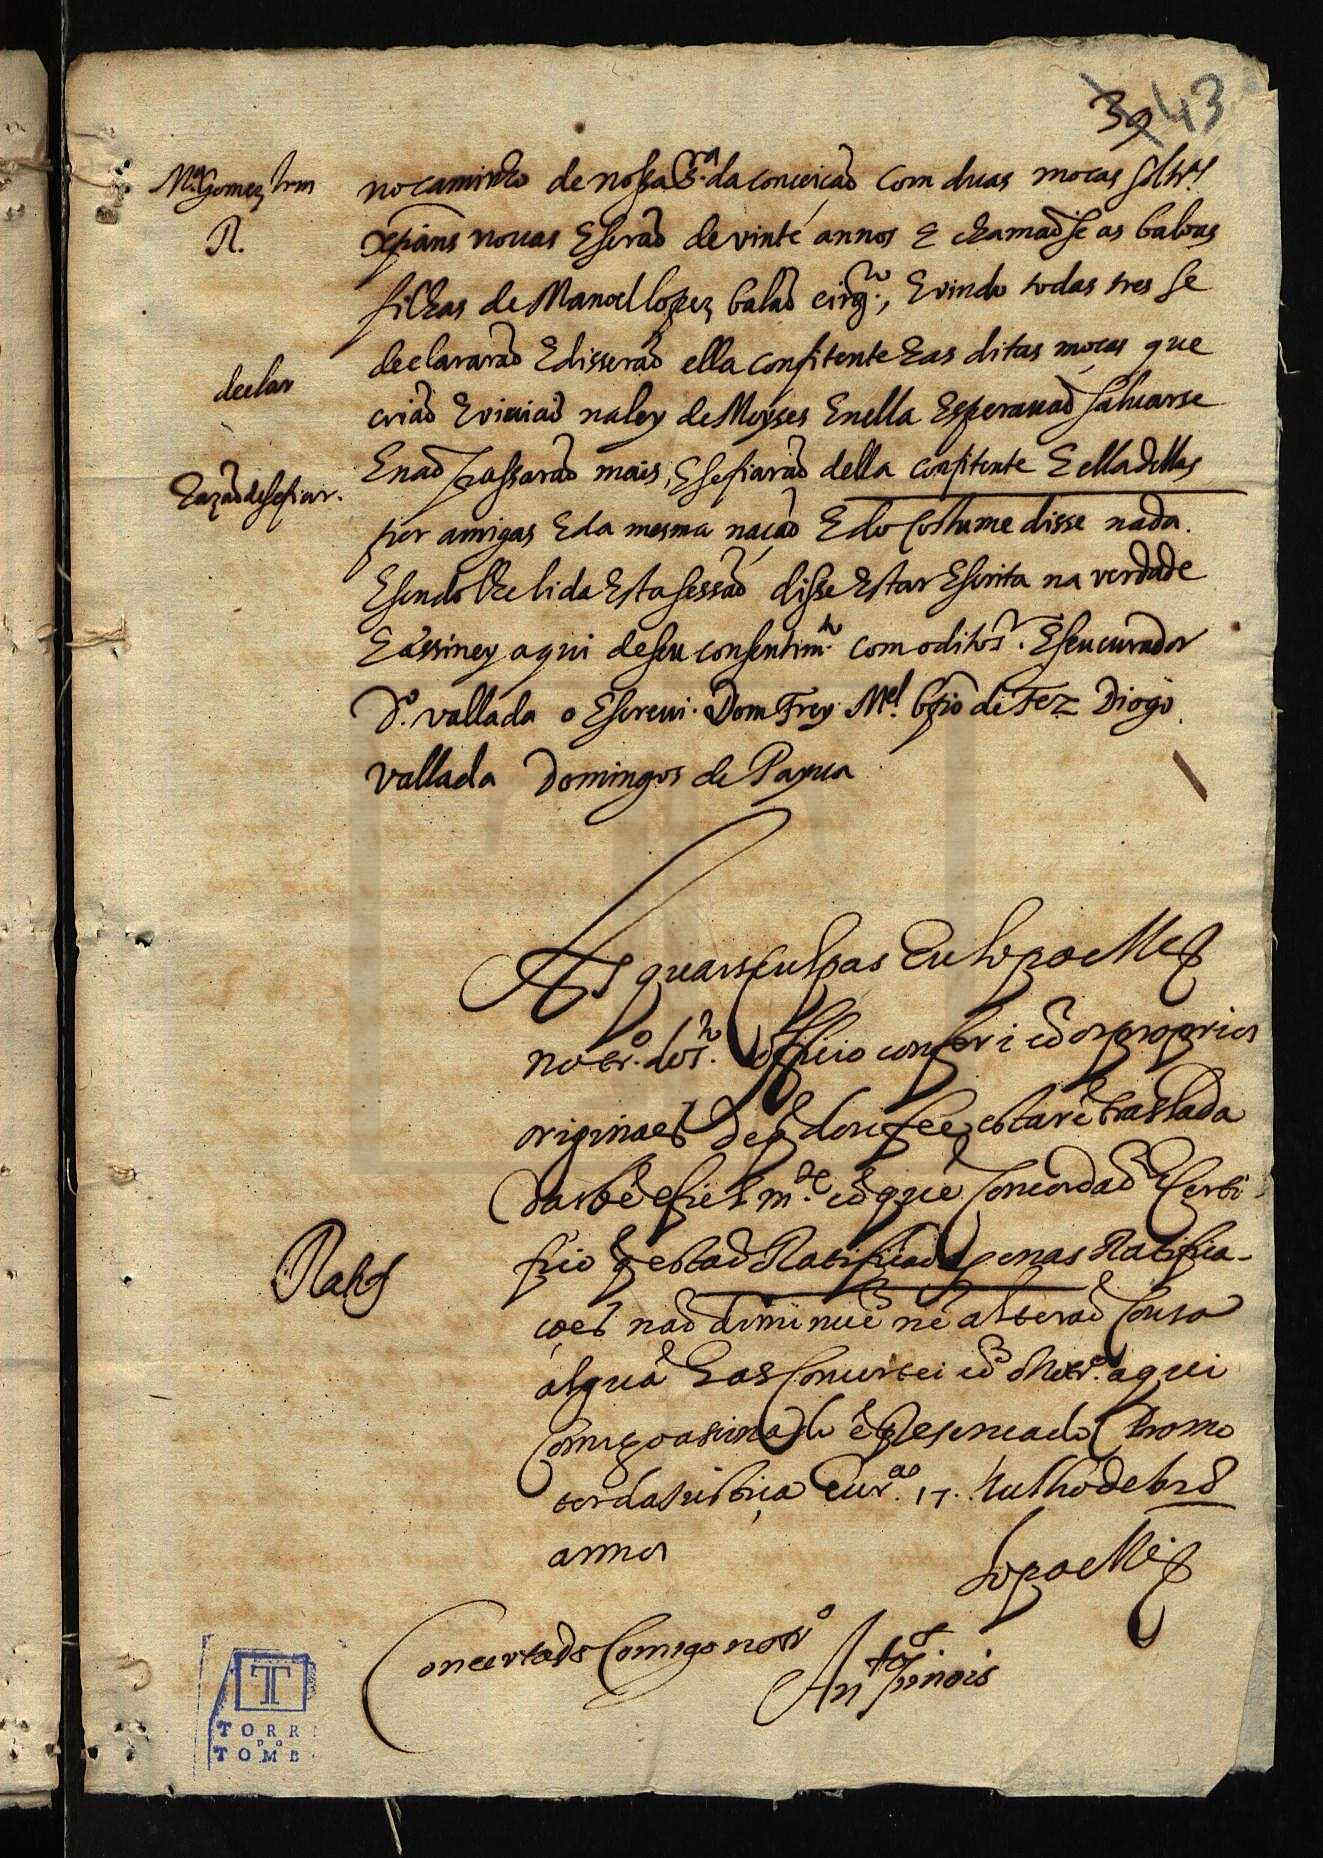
M.a Gomez Irm
no caminho de nossa s.ra da conceição com duas moças soltr.as
R.
xpāns nouas E serão de vinte annos E chamaõse as baloas
filhas de Manoel lopez balaõ cirg.ro, E vindo todas tres se
declararaõ E disseraõ ella confitente E as ditas moças que
declar
criaõ E viuiaõ na ley de Moyses E nella Esperauaõ saluarse
E naõ passarão mais, E se fiarão della confitente E ella dellas
Razaõ de se fiar.
por amigas E da mesma nação E do Costume disse nada.
E sendolhe lida Esta sessão disse Estar Escrita na verdade
E assiney aqui de seu consentim.to com o dito sr. E seu curador
D.o vallada o Escreui. Dom Frey M.el bpō de Fez Diogo
vallada Domingos de Payua
As quais Culpas Eu lopo Mis̄
notr.o do s.to officio conferi cō os proprios
originaes de q̄ dou fee estarē traslada
das bē e fielm.te cō quē Concordaõ E Certi
fico q̄ estaõ Ratificadas e nas Ratifica
Ratif
çoẽs não diminuē nē alteraõ Cousa
alguā E as Concertei cō o notr.o aqui
Comigo assinado ē presença do Promo
tor da Iustiça Eur.a 17. Iulho de 628
annos
Concertado Comigo notro
